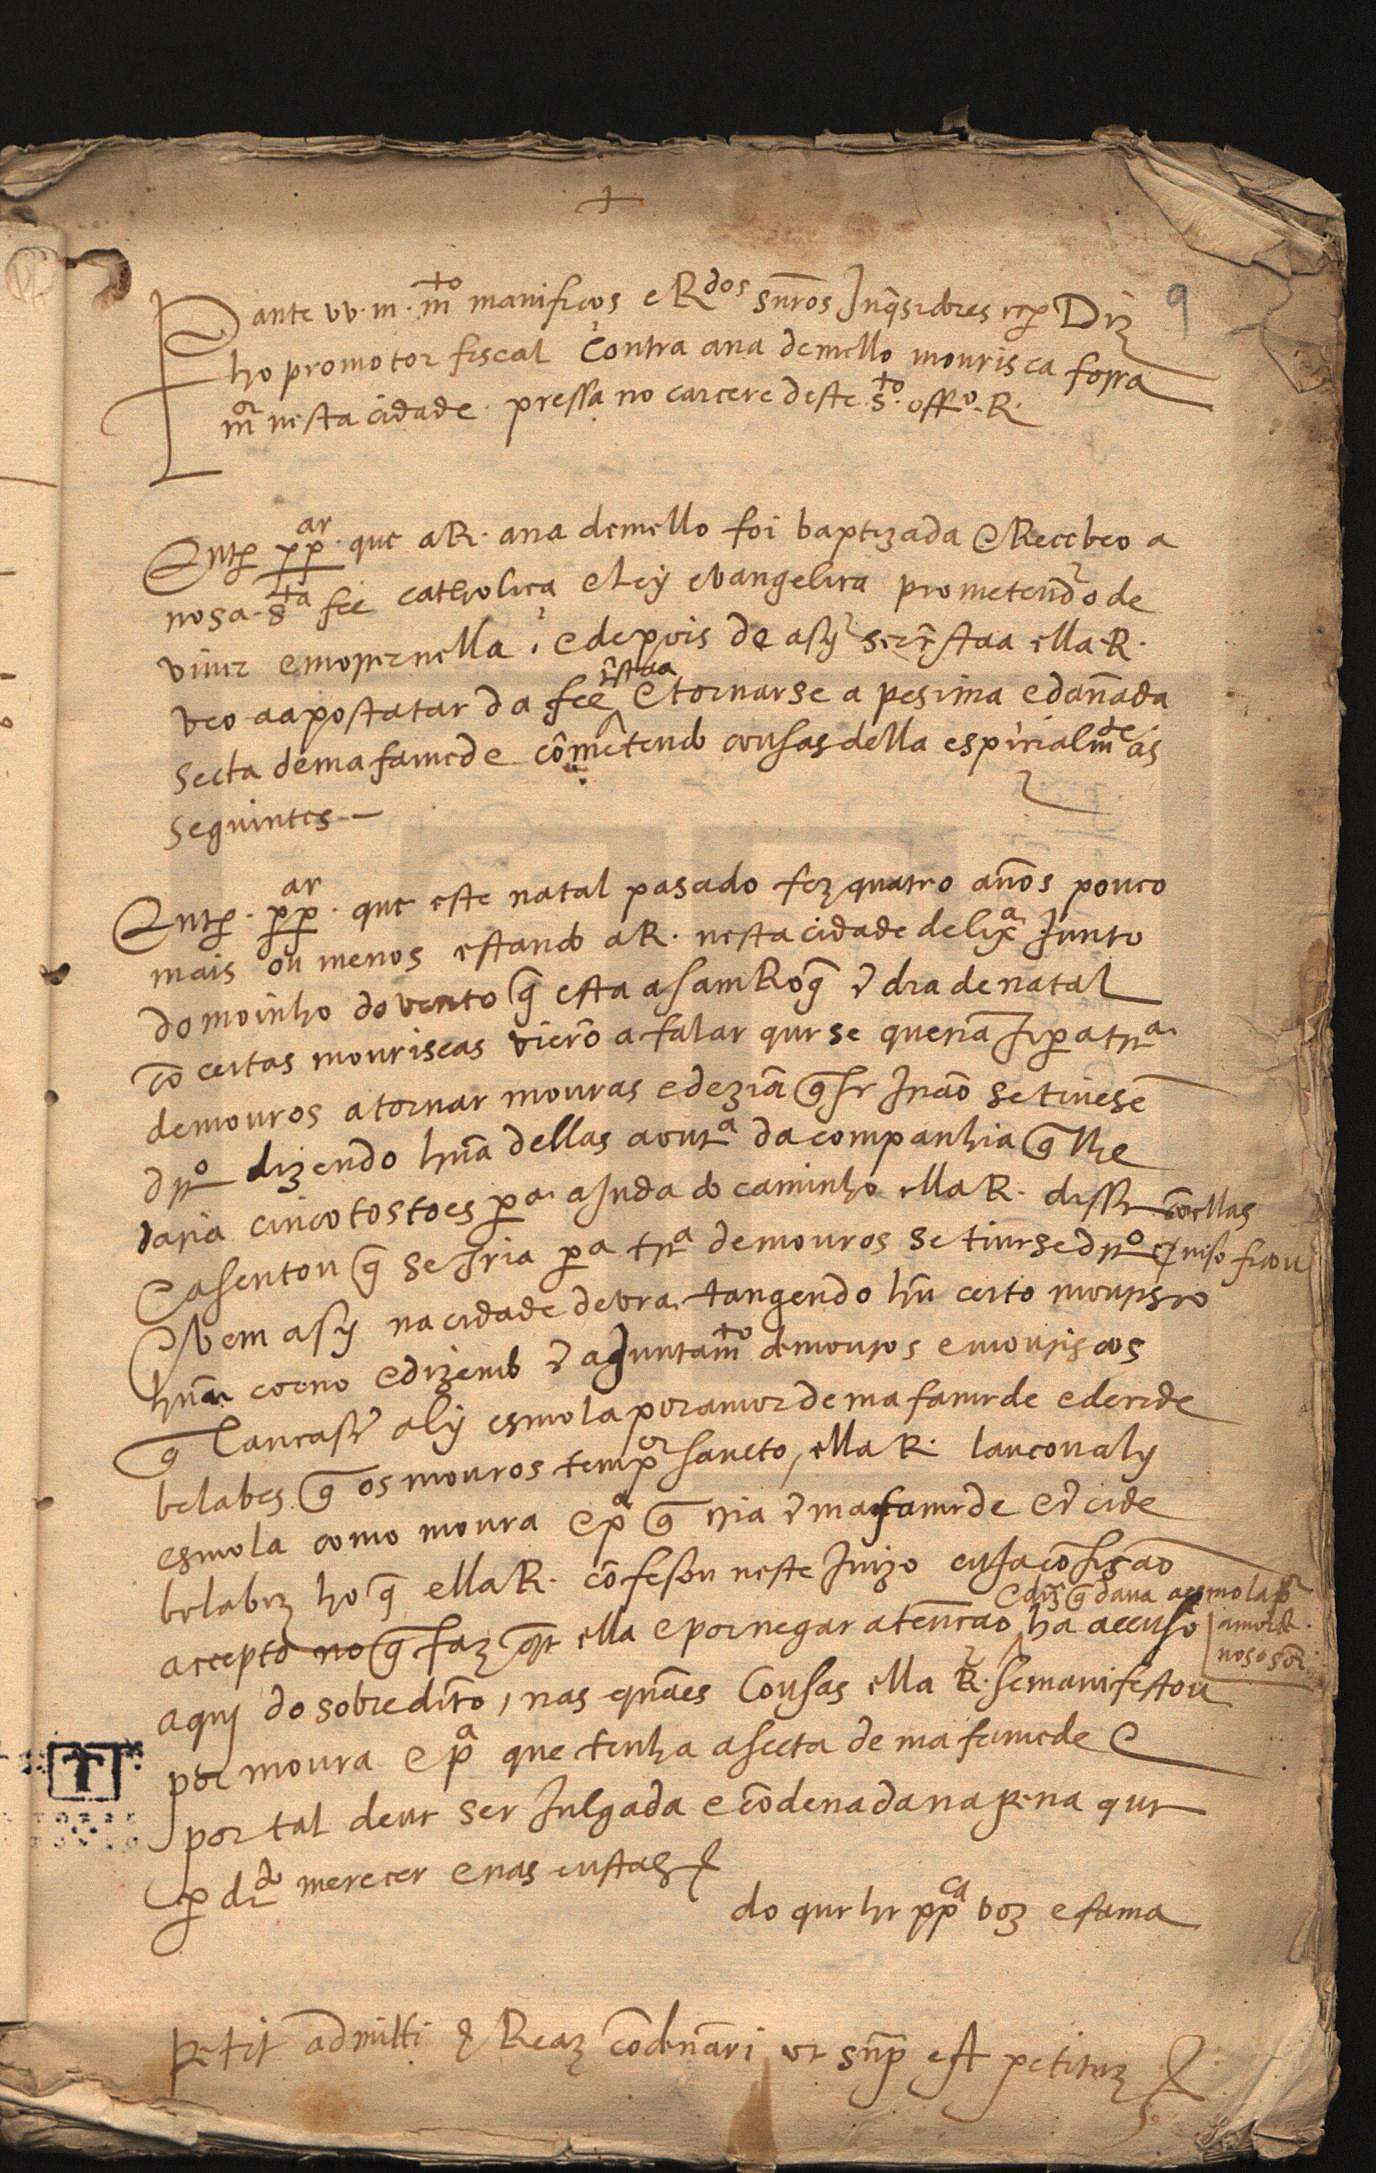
Ꝑante vv. m. mto manificos e Rdos s̄nres Inq̄sidores ccꝭ Diz
ho promotor fiscal contra ana de mello mourisca forra
mor nesta cidade pressa no carcere deste sto. offo. R.
Entꝭ ꝑꝑar que a R. ana de mello foi baptizada e Recebeo a
nosa sta fee catholica e Ley evangelica prometendo de
viuer e morrer nella. e depois de asy ser c̄staa ella .R.
veo a apostatar da fee
c̄staa
e tornarse a pesima e dan̄ada
secta de mafamede cōmetendo cousas della espicialmte as
seguintes –
Entꝭ. ꝑꝑar. que este natal pasado fez quatro an̄os pouco
mais ou menos estando a R. nesta cidade de lixa Junto
do moinho do vento q̄ esta a sam Roq̄ ē dia de nataL
c̄o certas mouriscas vierō a falar que se queriā Jr ꝑa trra
de mouros a tornar mouras e deziā q̄ se Jrião se tiuesē
drro dizendo huā dellas a outa da companhia q̄ lhe
daria cinco tostoes ꝑa aJuda do caminho ella R. disse cō ellas
e asentou q̄ se Jria ꝑa trra de mouros se tiuese drro e niso ficou
e vem asy na cidade devra tangendo hū certo mourisco
huū corno e dizendo ē aJuntamto de mouros e mouriscos
q̄ lançasē aly esmola por amor de mafamede e de cide
belabez q̄ os mouros tem po sancto, ella R. lançou aly
esmola como moura e pa q̄ cria ē mafamede e ē cide
belabez ho q̄ ella R. cōfesou neste Juizo cuJa cōfisão
accepto no q̄ faz ꝯ̄t ella e por negar a tēnçao
e diz̄ q̄ daua a esmola por
amor de
noso sōr
ha accuso
aquj do sobredito, nas quaes Cousas ella R. se manifestou
por moura e pa que tinha a secta de mafamede e
por tal deue ser Julgada e cōdenada na pena que
ꝑ drto merecer e nas custas
do que he ppca voz e fama
petit admitti & Reaz cōdenāri vt sūp est petitur
